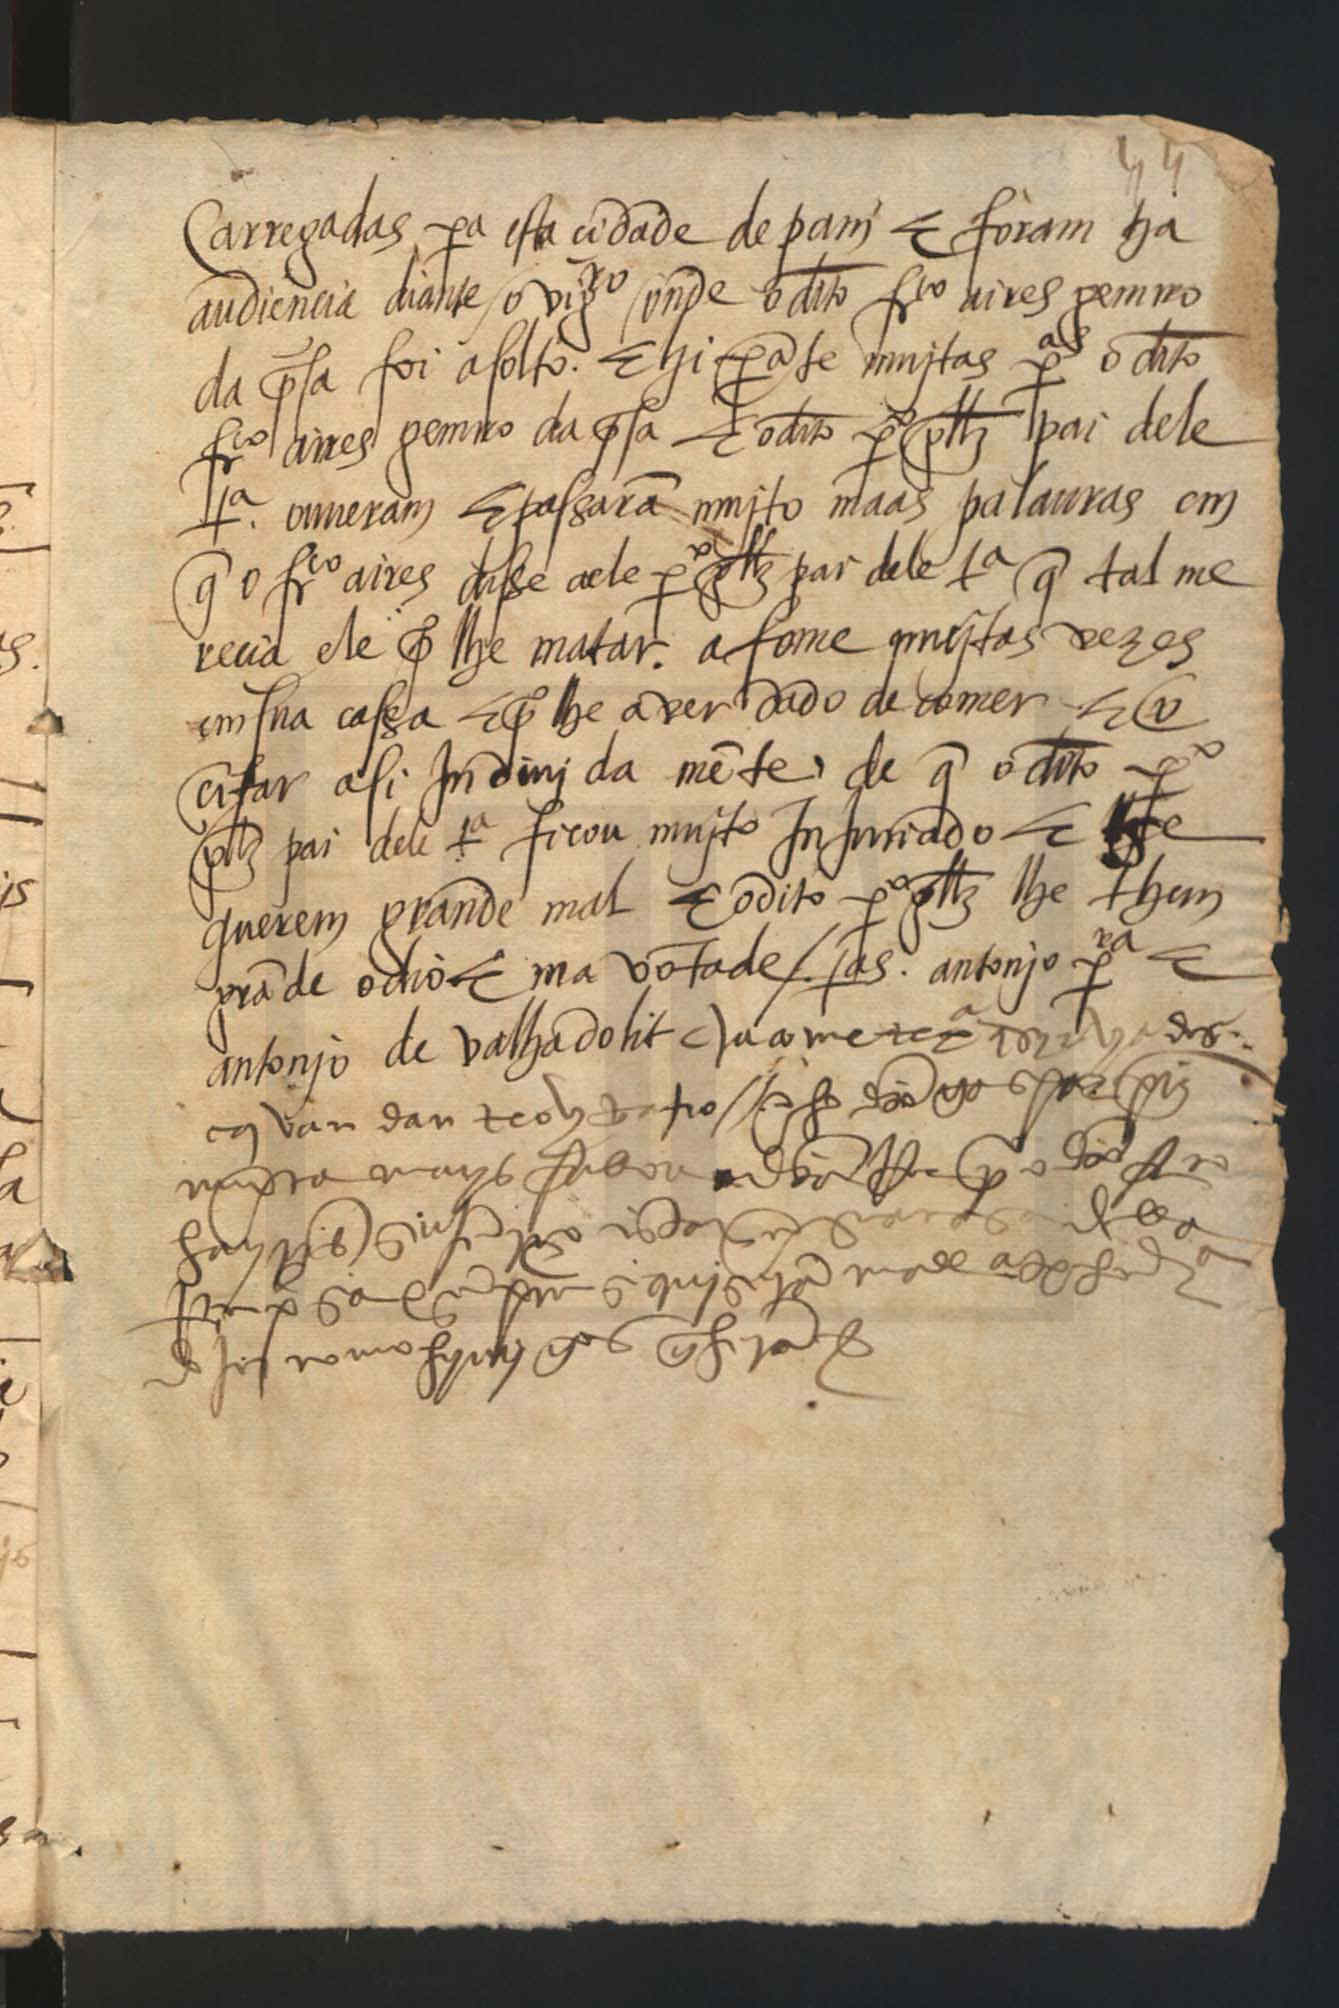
Carregadas ꝑa esta cidade de pam E foram ha
audiençia diante / o vigro / onde o d̅ito frco aires gemrro
da p̄sa foi a solto. E hi ꝑa̅te mujtas ꝑas o d̅ito
frco aires gemrro da p̄sa E o d̅ito ꝑo g̅llz pai dele
ta. ouueram E passara̅ mujto maas palauras em
q̅ o frco aires disse a ele ꝑo g̅llz pai dele ta q̅ tal me
recia ele p̄o lhe matar. a fome mujtas vezes
em sua cassa E p̄o lhe aver dado de comer E o
çitar asi Jndiujdame̅te de q̅ o dit̅o ꝑo
gllz̄ pai dele ta ficou mujto JnJuriado E lhe
querem grande maL E o dito ꝑo gllz lhe them
gra̅de odio E ma vo̅tade /. tas. antonjo ꝑra E
antonjo de valhadolit
